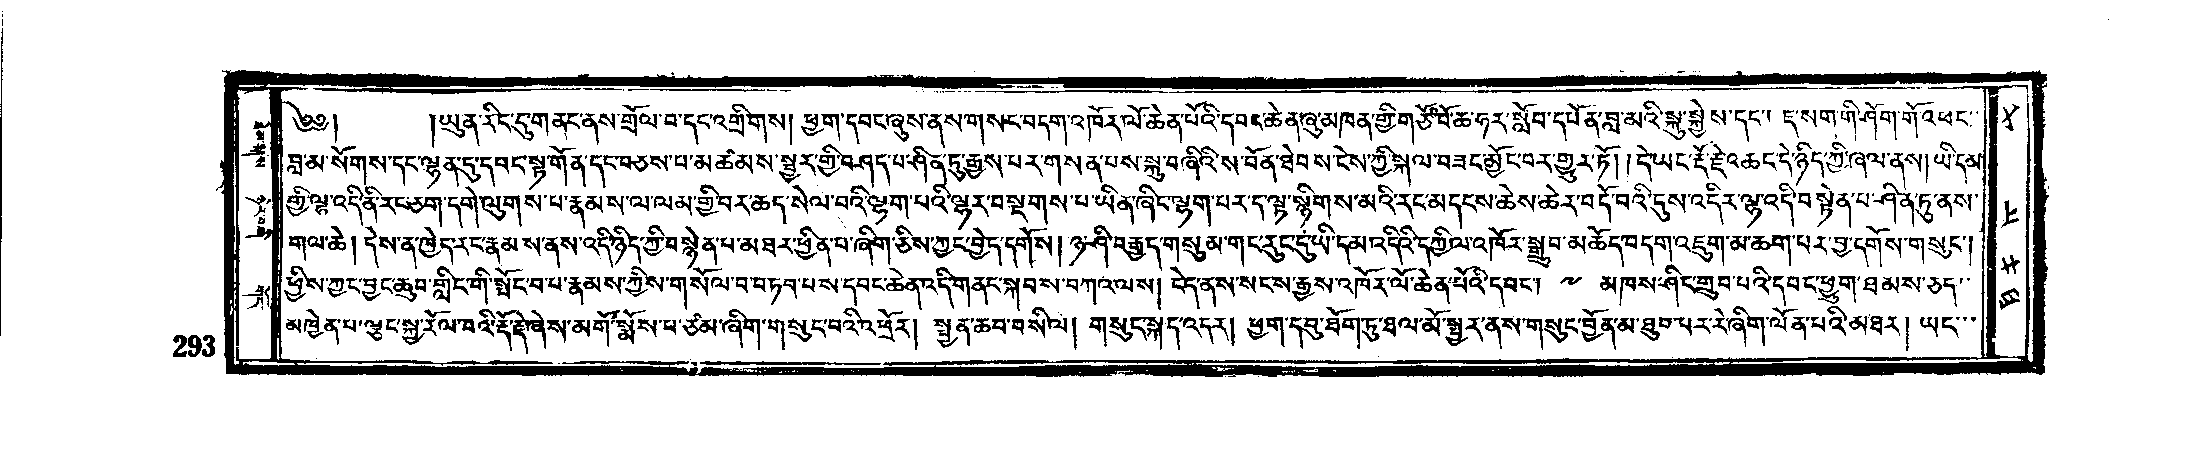༄༅། །ཡུན་རིང་དུ་གནང་ནས་གྲོལ་བ་དང་འགྲིགས། ཕྱག་དབང་ཞུས་ནས་གསང་བདག་འཁོར་ལོ་ཆེན་པོའི་དབང་ཆེན་ཞུ་མཁན་གྱི་གཙོ་བོ་ཆ་ཧར་སློབ་དཔོན་བླ་མའི་སྐུ་སྐྱེས་དང་། ཇ་སག་གི་ཤོག་གོ་འཕང་
བླ་མ་སོགས་དང་ལྷན་དུ་དབང་སྟ་གོན་དང་བཅས་པ་མཚམས་སྦྱར་གྱི་བཤད་པ་ཤིན་ཏུ་རྒྱས་པར་གསན་པས་སྐུ་བཞིའི་ས་བོན་ཐེབས་ངེས་ཀྱི་སྐལ་བཟང་མྱོང་བར་གྱུར་ཏོ། །དེ་ཡང་རྡོ་རྗེ་འཆང་དེ་ཉིད་ཀྱི་ཞལ་ནས། ཡི་དམ་
གྱི་ལྷ་འདི་ནི་རང་ཅག་དགེ་ལུགས་པ་རྣམས་ལ་ལམ་གྱི་བར་ཆད་སེལ་བའི་ལྷག་པའི་ལྷར་བསྔགས་པ་ཡིན་ཞིང་ལྷག་པར་ད་ལྟ་སྙིགས་མའི་རང་མདངས་ཆེས་ཆེར་བདོ་བའི་དུས་འདིར་ལྷ་འདི་བསྟེན་པ་ཤིན་ཏུ་ནས་
གལ་ཆེ། དེས་ན་ཁྱེད་རང་རྣམས་ནས་འདི་ཉིད་ཀྱི་བསྙེན་པ་མཐར་ཕྱིན་པ་ཞིག་ཅིས་ཀྱང་བྱེད་དགོས། ཉ་ཤི་བརྒྱད་གསུམ་གང་རུང་དུ་ཡི་དམ་འདིའི་དཀྱིལ་འཁོར་སྒྲུབ་མཆོད་བདག་འཇུག་མ་ཆག་པར་བྱ་དགོས་གསུང་།
ཕྱིས་ཀྱང་བྱང་ཆུབ་གླིང་གི་སྤོང་བ་པ་རྣམས་ཀྱིས་གསོལ་བ་བཏབ་པས་དབང་ཆེན་འདི་གནང་སྐབས་བཀའ་ལས། ངེད་ནས་སངས་རྒྱས་འཁོར་ལོ་ཆེན་པོའི་དབང་། ༧་མཁས་ཤིང་གྲུབ་པའི་དབང་ཕྱུག་ཐམས་ཅད་
མཁྱེན་པ་ལྕང་སྐྱ་རོལ་བའི་རྡོ་རྗེ་ཞེས་མགོ་སྨོས་པ་ཙམ་ཞིག་གསུང་བའི་འཕྲོར། སྤྱན་ཆབ་བསིལ། གསུང་སྐད་འདར། ཕྱག་དབུ་ཐོག་ཏུ་ཐལ་མོ་སྦྱར་ནས་གསུང་བྱོན་མ་ཐུབ་པར་རེ་ཞིག་ལོན་པའི་མཐར། ཡང་